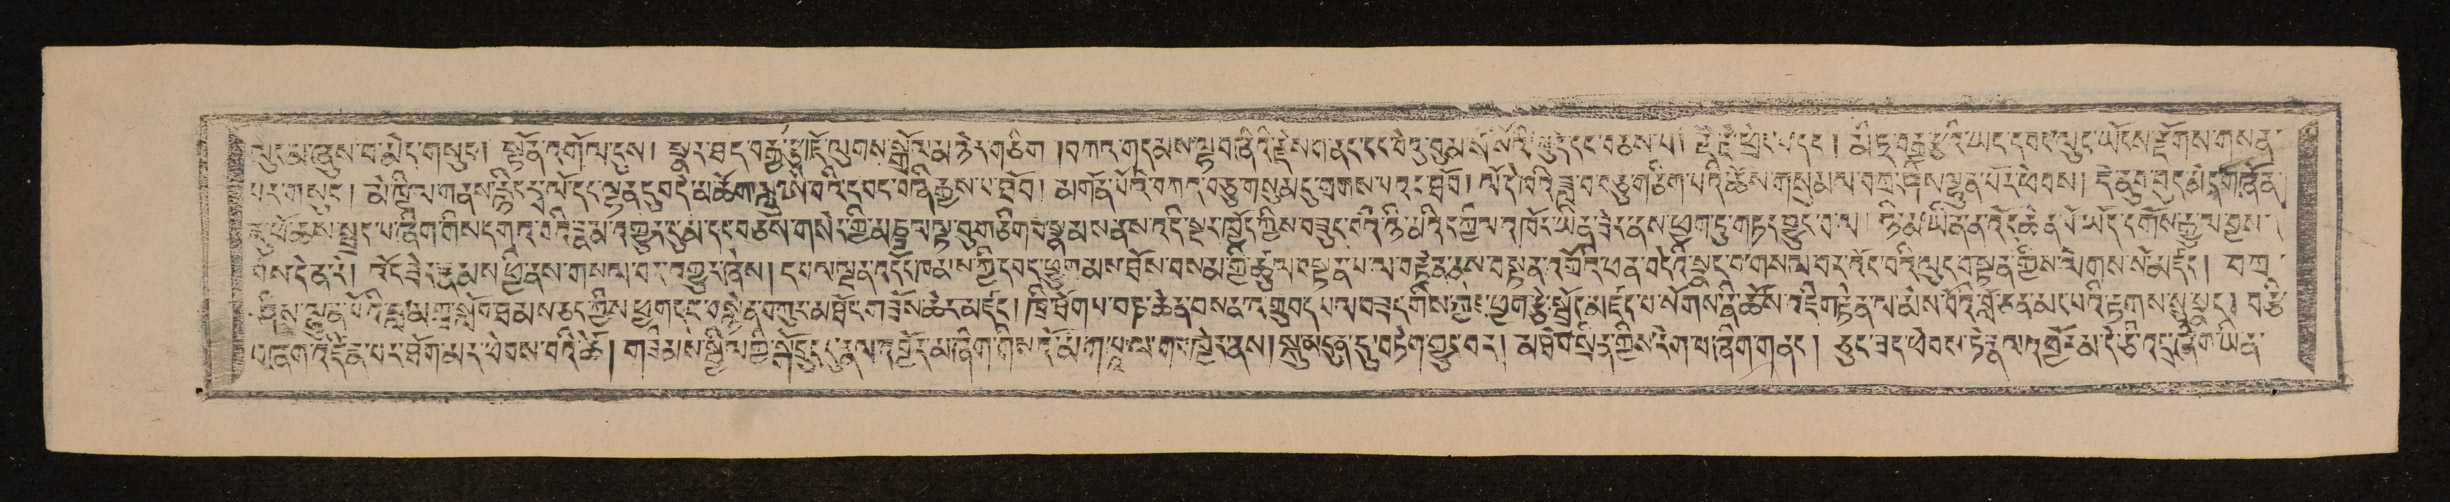ལུང་མ་ཞུས་པ་མེད་གསུང་། སྟོན་འགོལ་དུས། སྣར་ཐལ་བརྒྱ་རྩ་ལུགས་སྒྲོལ་མ་ཉེར་གཅིག །བཀའ་གདམས་ལྷ་བཞིའི་རྗེས་གནང་དང་བེའུ་བུམ་སོ་སོའི་ལུང་དང་བཅས་པ། རྡོ་རྗེ་ཕྲེང་བ་དང་། མི་ཏྲ་བརྒྱ་རྩའི་ཡང་དབང་ལུང་ཡོངས་རྫོགས་གསན་
པར་གསུང་། མེ་ཁྱིལ་གནས་རྙིང་རྭ་ལོ་དང་ལྷན་དུ་བདེ་མཆོག་ལཱུ་ཨི་བའི་དབང་བཞི་རྒྱས་བ་ཐོབ། མགོན་པོའི་བཀའ་བཅུ་གསུམ་དུ་གྲགས་པའང་ཐོབ། ལོ་དེ་ཁའི་ཟླ་བ་བཅུ་གཅིག་པའི་ཚེས་གསུམ་ལ་བཀྲ་ཤིས་ལྷུན་པོར་ཕེབས། དེ་ནུབ་བུད་མེད་གཞོན་
ནུ་ཕོ་ཆས་སྤྲད་པ་ཞིག་གིས་དགའ་བའི་རྣམ་འགྱུར་དུ་མ་དང་བཅས་གསེར་གྱི་མཎྜལ་ལྟ་བུ་གཅིག་བསྣམས་ནས་འདི་སྔར་ཁྱོད་ཀྱིས་བཟུང་བའི་ཉི་མའི་དཀྱིལ་འཁོར་ཡིན་ཟེར་ནས་ཕྱག་ཏུ་གཏད་བྱུང་བ་ལ། ཉི་མ་ཡིན་ན་འོད་ཆེན་པོ་ཡོད་དགོས་རྒྱུ་ལ་བྱས་
པས་དེ་ན་རེ། འོད་ཟེར་རྣམས་ཕྱི་ནས་གསལ་བར་འགྱུར་ཞེས། དཔལ་ལྡན་འདོད་ཁམས་ཀྱི་དབང་ཕྱུག་མས་ཐོས་བསམ་གྱི་ཚུལ་བསྟན་པ་ལ་བརྟེན་ནས་བསྟན་འགྲོའི་ཕན་བདེའི་སྣང་བ་གསལ་བར་འོང་བའི་ལུང་བསྟན་གྱིས་ལེགས་སོ་མཛད། བཀྲ་
ཤིས་ལྷུན་པོའི་བླ་མ་གྲྭ་སློབ་ཐམས་ཅད་ཀྱིས་ཕྱག་དང་བསྙེན་བཀུར་མཐོང་གཟོས་ཆེར་མཛད། ཁྲི་ཐོག་པ་པཎ་ཆེན་བསམ་འགྲུབ་དཔལ་བཟང་གིས་ཀྱང་ཕྱག་རྩེ་སྦྲོད་མཛད་པ་སོགས་ནི་ཆོས་འཇིག་རྟེན་ལ་མོས་པོའི་བློ་ཅན་མང་བའི་རྟགས་སུ་སྣང་། བརྩི་
བཞག་འཛིན་པར་ཐོག་མར་ཕེབས་པའི་ཚེ། གཟིམས་སྤྱི་ལ་གྱི་སྒོ་དྲུང་དུ་རྣལ་འབྱོར་མ་ཞིག་གིས་འོ་མ་ཀ་པཱ་ལ་གང་ཁྱེར་ནས། སྐུ་མདུན་དུ་བཏེག་བྱུང་བར། མཐེབ་སྲིན་གྱིས་རེག་པ་ཞིག་གནང་། ཅུང་ཟད་ཕེབས་ཏེ་རྣལ་འབྱོར་མ་དེ་ཅི་འདྲ་ཞིག་ཡིན་